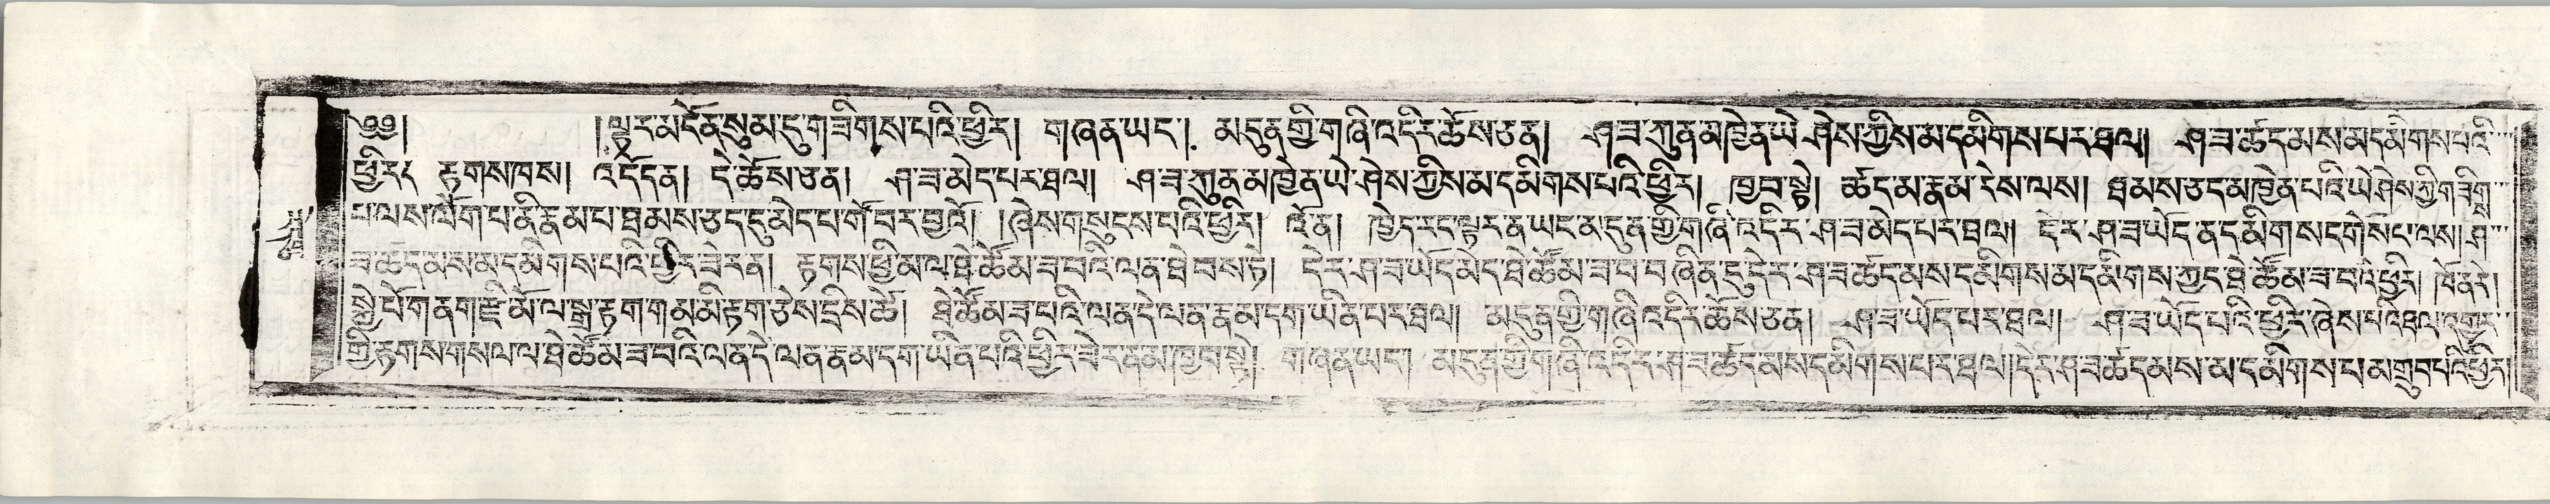༄༅། །ལྟར་མངོན་སུམ་དུ་གཟིགས་པའི་ཕྱིར། གཞན་ཡང་། མདུན་གྱི་གཞི་འདིར་ཆོས་ཅན། ཤ་ཟ་ཀུན་མཁྱེན་ཡེ་ཤེས་ཀྱིས་མ་དམིགས་པར་ཐལ། ཤ་ཟ་ཚད་མས་མ་དམིགས་པའི་
ཕྱིར་རྟགས་ཁས། འདོད་ན། དེ་ཆོས་ཅན། ཤ་ཟ་མེད་པར་ཐལ། ཤ་ཟ་ཀུན་མཁྱེན་ཡེ་ཤེས་ཀྱིས་མ་དམིགས་པའི་ཕྱིར། ཁྱབ་སྟེ། ཚད་མ་རྣམ་ངེས་ལས། ཐམས་ཅད་མཁྱེན་པའི་ཡེ་ཤེས་ཀྱི་གཟིགས་
པ་ལས་ལོག་པ་ནི་རྣམ་པ་ཐམས་ཅད་དུ་མེད་པར་གོ་བར་བྱའོ། །ཞེས་གསུངས་པའི་ཕྱིར། འོ་ན། ཁྱེད་རང་ལྟར་ན་ཡང་མདུན་གྱི་གཞི་འདིར་ཤ་ཟ་མེད་པར་ཐལ། དེར་ཤ་ཟ་ཡོད་ན་དམིགས་དགོས་པ་ལས། ཤ་
ཟ་ཚད་མས་མ་དམིགས་པའི་ཕྱིར་ཟེར་ན། རྟགས་ཕྱི་མ་ལ་ཐེ་ཚོམ་ཟ་བའི་ལན་ཐེབས་ཏེ། དེར་ཤ་ཟ་ཡོད་མེད་ཐེ་ཚོམ་ཟ་བ་བཞིན་དུ་དེར་ཤ་ཟ་ཚད་མས་དམིགས་མ་དམིགས་ཀྱང་ཐེ་ཚོམ་ཟ་བའི་ཕྱིར། ཁོ་ན་རེ།
སྐྱེ་བོ་གནག་རྫི་མོ་ལ་སྒྲ་རྟག་གམ་མི་རྟག་ཅེས་དྲིས་ཚེ། ཐེ་ཚོམ་ཟ་པའི་ལན་དེ་ལན་རྣམ་དག་ཡིན་པར་ཐལ། མདུན་གྱི་གཞི་འདིར་ཆོས་ཅན། ཤ་ཟ་ཡོད་པར་ཐལ། ཤ་ཟ་ཡོད་པའི་ཕྱིར་ཞེས་པའི་ཐལ་འགྱུར་
གྱི་རྟགས་གསལ་ལ་ཐེ་ཚོམ་ཟ་བའི་ལན་དེ་ལན་རྣམ་དག་ཡིན་པའི་ཕྱིར་ཟེར་ན་མ་ཁྱབ་སྟེ། གཞན་ཡང་། མདུན་གྱི་གཞི་འདིར་ཤ་ཟ་ཚད་མས་དམིགས་པར་ཐལ། དེར་ཤ་ཟ་ཚད་མས་མ་དམིགས་པ་མ་གྲུབ་པའི་ཕྱིར།